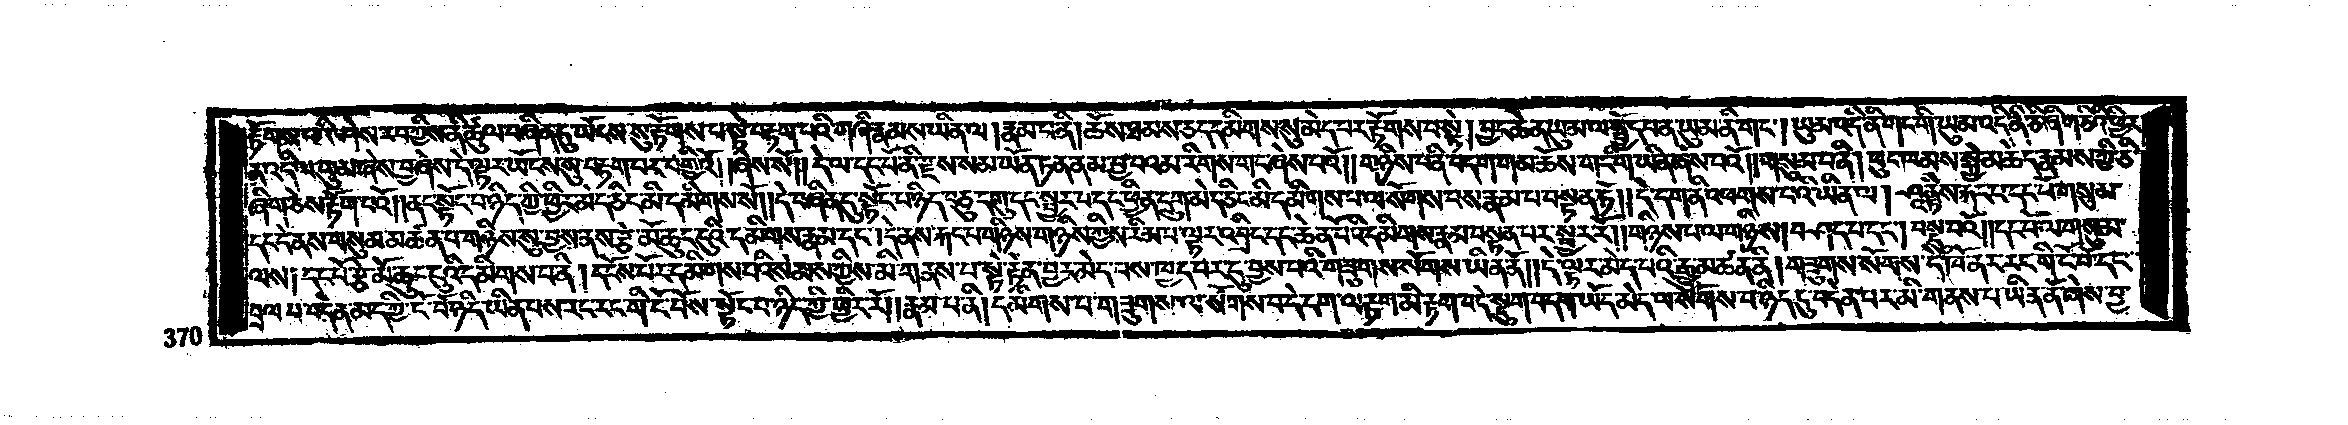རྟོགས་པའི་ཤེས་རབ་ཀྱིས་ནི་ཚུལ་བཞིན་དུ་ཡོངས་སུ་རྟོགས་པ་སྟེ་བརྟག་པའི་གཞི་རྣམ་ཡིན་ལ། རྣམ་པ་ནི། ཆོས་ཐམས་ཅད་དམིགས་སུ་མེད་པར་རྟོགས་པ་སྟེ། བྱང་ཆེན་ཡུམ་ལ་སྤྱོད་པ་ན་ཡུམ་ནི་གང་། ཡུམ་འདི་ནི་གང་གི་ཡུམ་འདི་ནི་ཅི་ཞིག་ཅིའི་ཕྱིར་
ན་འདི་ལ་ཡུམ་ཞེས་བྱ་ཞེས་དེ་ལྟར་ཡོངས་སུ་བརྟག་པར་བགྱིའོ། །ཞེས་སོ། །དེ་ལ་དང་པོ་ནི་རྫས་སམ་ཡོན་ཏན་ནམ་བྱ་བའམ་རིགས་གང་ཞེས་པའོ། །གཉིས་པ་ནི་བདག་གམ་ཆོས་གང་གི་ཡིན་ཞེས་པའོ། །གསུམ་པ་ནི། ཕུང་ཁམས་སྐྱེ་མཆེད་རྣམས་ཀྱི་ཅི་
ཞིག་ཅེས་རྟོག་པའོ། །ནང་སྟོང་པ་ཉིད་ཀྱི་ཕྱིར་མེད་ཅིང་མི་དམིགས་སོ། །དེ་བཞིན་དུ་སྟོང་པ་ཉིད་བཅུ་དགུ་དང་སྦྱར་བ་དང་ཕྱིན་དྲུག་མེད་ཅིང་མི་དམིགས་པ་ལ་སོགས་པས་རྣམ་པ་བསྟན་ཏོ། །དེ་དག་ནི་འཕགས་པའི་ཡིན་ལ། ཤཱནྟིས་རྐང་པ་དང་པོ་གསུམ་
དང་དེ་ནས་གསུམ་མཚན་པ་གཉིས་སུ་བྱས་ནས་རྩེ་མོ་ཆུང་ངུའི་དམིགས་རྣམ་དང་། དེ་ནས་རྐང་པ་གཉིས་གཉིས་ཀྱིས་རིམ་པ་ལྟར་འབྲིང་དང་ཆེན་པོའི་དམིགས་རྣམ་བསྟན་པར་སྦྱར་རོ། །གཉིས་པ་ལ་གཉིས། བཤད་པ་དང་། བསྡུ་བའོ། །དང་པོ་ལ་གསུམ་
ལས། དང་པོ་རྩེ་མོ་ཆུང་ངུའི་དམིགས་པ་ནི། དངོས་པོར་དམིགས་པའི་སེམས་ཀྱིས་མི་གནས་པ་སྟེ་རྟེན་བྱར་མེད་པས་ཁྱད་པར་དུ་བྱས་པའི་གཟུགས་སོགས་ཡིན་ནོ། །དེ་ལྟར་མེད་པའི་རྒྱུ་མཚན་ནི། གཟུགས་སོགས་དེ་ཁོ་ནར་རང་གི་ངོ་བོ་དང་
བྲལ་བ་བདེན་མེད་ཀྱི་ངོ་བོ་ཉིད་ཡིན་པས་རང་རང་གི་ངོ་བོས་སྟོང་པ་ཉིད་ཀྱི་ཕྱིར་རོ། །རྣམ་པ་ནི། དམིགས་པ་གཟུགས་ལ་སོགས་པ་དེ་དག་ལ་རྟག་མི་རྟག་བདེ་སྡུག་བདག་ཡོད་མེད་ལ་སོགས་པ་ཉིད་དུ་བདེན་པར་མི་གནས་པ་ཡིན་ནོ་ཞེས་བྱ་